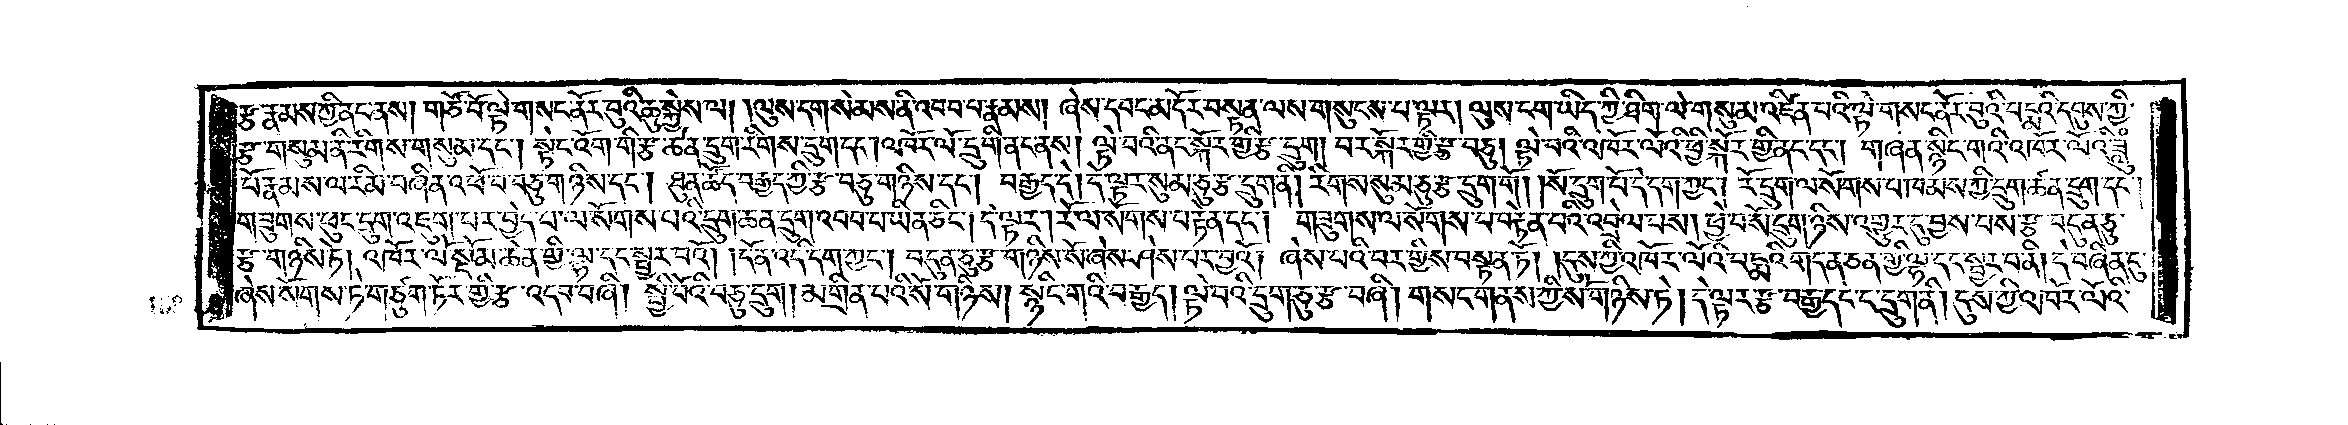རྩ་རྣམས་ཀྱི་ནང་ནས། གཙོ་བོ་ལྟེ་གསང་ནོར་བུའི་ཆུ་སྐྱེས་ལ། །ལུས་དག་སེམས་ནི་འབབ་པ་རྣམས། ཞེས་དབང་མདོར་བསྟན་ལས་གསུངས་པ་ལྟར། ལུས་ངག་ཡིད་ཀྱི་ཐིག་ལེ་གསུམ་འཛིན་པའི་ལྟེ་གསང་ནོར་བུའི་པདམའི་དབུས་ཀྱི་
རྩ་གསུམ་ནི་རིགས་གསུམ་དང་། སྟེང་འོག་གི་རྩ་ཆེན་དྲུག་རིགས་དྲུག་དང་། འཁོར་ལོ་དྲུག་གི་ནང་ནས། ལྟེ་བའི་ནང་སྐོར་གྱི་རྩ་དྲུག། བར་སྐོར་གྱི་རྩ་བཅུ། ལྟེ་བའི་འཁོར་ལོའི་ཕྱི་སྐོར་གྱི་ནང་དང་། གཞན་སྙིང་གའི་འཁོར་ལོའི་ཟླུཾ་
པོ་རྣམས་ལ་རིམ་བཞིན་འཕོ་བ་བཅུ་གཉིས་དང་། ཐུན་ཚོད་བརྒྱད་ཀྱི་རྩ་བཅུ་གཉིས་དང་། བརྒྱད་དེ། དེ་ལྟར་སུམ་ཅུ་རྩ་དྲུག་ནི། རིགས་སུམ་ཅུ་རྩ་དྲུག་གོ། །སོ་དྲུག་པོ་དེ་དག་ཀྱང་། རོ་དྲུག་ལ་སོགས་པ་ཁམས་ཀྱི་དྲུག་ཚན་དྲུག་དང་།
གཟུགས་ཕུང་དྲུག་འཇུག་པར་བྱེད་པ་ལ་སོགས་པའི་དྲུག་ཚན་དྲུག་འབབ་པ་ཡིན་ཅིང་། དེ་ལྟར། རོ་ལ་སོགས་པ་རྟེན་དང་། གཟུགས་ལ་སོགས་པ་བརྟེན་པའི་འབྲེལ་པས། ཕྱེ་བ་སོ་དྲུག་ཉིས་འགྱུར་དུ་བྱས་པས་རྩ་བདུན་ཅུ་
རྩ་གཉིས་ཏེ། འཁོར་ལོ་སྡོམ་ཆེན་གྱི་ལྷ་དང་སྦྱར་བའོ། །དོན་འདི་དག་ཀྱང་། བདུན་ཅུ་རྩ་གཉིས་སོ་ཞེས་ཤེས་པར་བྱའོ། ཞེས་པའི་བར་གྱིས་བསྟན་ཏོ། །དུས་ཀྱི་འཁོར་ལོའི་པདམའི་གདན་ཅན་གྱི་ལྷ་དང་སྦྱར་བ་ནི། དེ་བཞིན་དུ་
ཞེས་སོགས་ཏེ་གཙུག་ཏོར་གྱི་རྩ་འདབ་བཞི། སྤྱི་བོའི་བཅུ་དྲུག། མགྲིན་པའི་སོ་གཉིས། སྙིང་གའི་བརྒྱད། ལྟེ་བའི་དྲུག་ཅུ་རྩ་བཞི། གསང་གནས་ཀྱི་སོ་གཉིས་ཏེ། དེ་ལྟར་རྩ་བརྒྱད་དང་ང་དྲུག་ནི། དུས་ཀྱི་འཁོར་ལོའི་